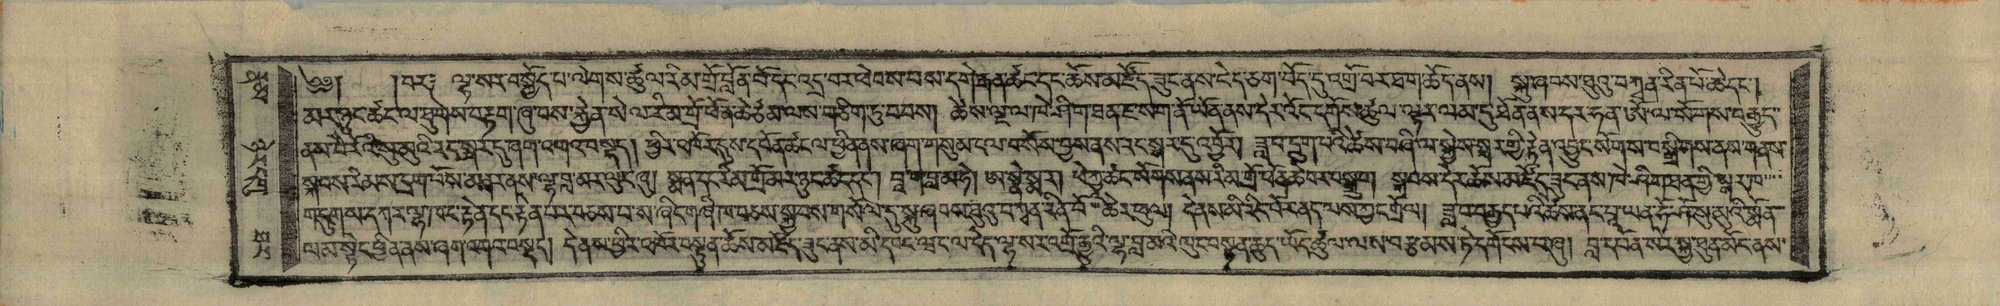༄༅། །བར། ལྷ་སར་བསྐྱོད་པ་ལེགས་ཚུལ་རིམ་གྲོ་བློན་པོ་དང་འདྲ་བར་ཕེབས་པས་དགེ་རྒན་ཚང་དང་ཆོས་མཛོད་ཟུང་ནས་ངེད་ཅག་བོད་དུ་འགྲོ་བར་ཐག་ཆོད་ནས། སྐུ་ཞབས་ཐུའུ་བཀྭན་རིན་པོ་ཆེ་དང་།
མར་ཉུང་ཚང་ལ་ཐུགས་བརྟག་ཞུ་བས་རྐྱེན་སེལ་རིམ་གྲོ་ཕོན་ཆེ་ཙམ་ལས་གཅིག་ཏུ་བབས། ཚེས་ལྔ་ལ་ཁེ་ཤིག་ཐན་ཇ་སག་ནོ་ཡོན་ནས་དེར་འོང་དགོས་ཚུལ་ལྟར་ལམ་དུ་ཐོན་ནས་དར་ཧན་ཨོ་ལ་སོགས་བརྒྱུད་
ནས་བཻ་རོའི་སུ་མུའི་རང་སྒར་དུ་ཞག་འགའ་བསྡད། ཕྱིར་འཁོར་དུས་དཔོན་ཚང་ལ་ཕྱིན་ནས་ཞག་གསུམ་ངལ་བསོས་བྱས་ནས་རང་སྒར་དུ་འབྱོར། ཟླ་བ་དྲུག་པའི་ཚེས་བཞི་ལ་སྐྱེས་སྐར་གྱི་རྟེན་འབྱུང་སོགས་བསྒྲིགས་ནས་གནས་
སྐབས་རིམས་དྲག་པོས་མནར་ནས་ལྷ་བླ་མར་ལུང་ཞུ། སྨན་དང་རིམ་གྲོ་མར་ཉུང་ཚང་དང་། པཱ་ག་བླ་མ་ཧེ། ཨ་སྣེ་སྨར། ཕེ་ཀྱཱ་ཚང་སོགས་ནས་རིམ་གྲོ་ཕོན་ཆེ་བར་བསྒྲུབ། སྐབས་དེར་ཆོས་མཛོད་ཟུང་ནས་ཁེ་ཤིག་ཐན་གྱི་སྒར་ཁ་
གདུགས་དཀར་ལྷ་ཁང་རྟེན་དང་རྟེན་པར་བཅས་པ་ས་ཞིང་གཞི་ཁ་བཅས་སྐྱབས་གསོལ་དུ་སྐུ་ཞབས་ཐུའུ་བཀྭན་རིན་པོ་ཆེར་ཕུལ། དེ་ནས་མི་རིང་པོར་ནད་ལས་ཀྱང་གྲོལ། ཟླ་བ་བརྒྱད་པའི་ཚེས་ནང་པཱ་ཡན་ཧོ་ཤོ་སུ་མུའི་སྨོན་
ལམ་སྟེང་ཕྱིན་ནས་ཞག་འགའ་བསྡད། དེ་ནས་ཕྱིར་འཁོར་བསྟུན་ཆོས་མཛོད་ཟུང་ནས་མི་དབང་ཝང་ལ་ངེད་ལྷ་སར་འགྲོ་རྒྱུའི་ལྷ་བླ་མའི་ལུང་བསྟན་ཆུད་ཡོད་ཚུལ་ལས་བརྩམས་ཏེ་དགོངས་པ་ཞུ། བླ་དཔོན་སེར་སྐྱ་ཐུན་མོང་ནས་